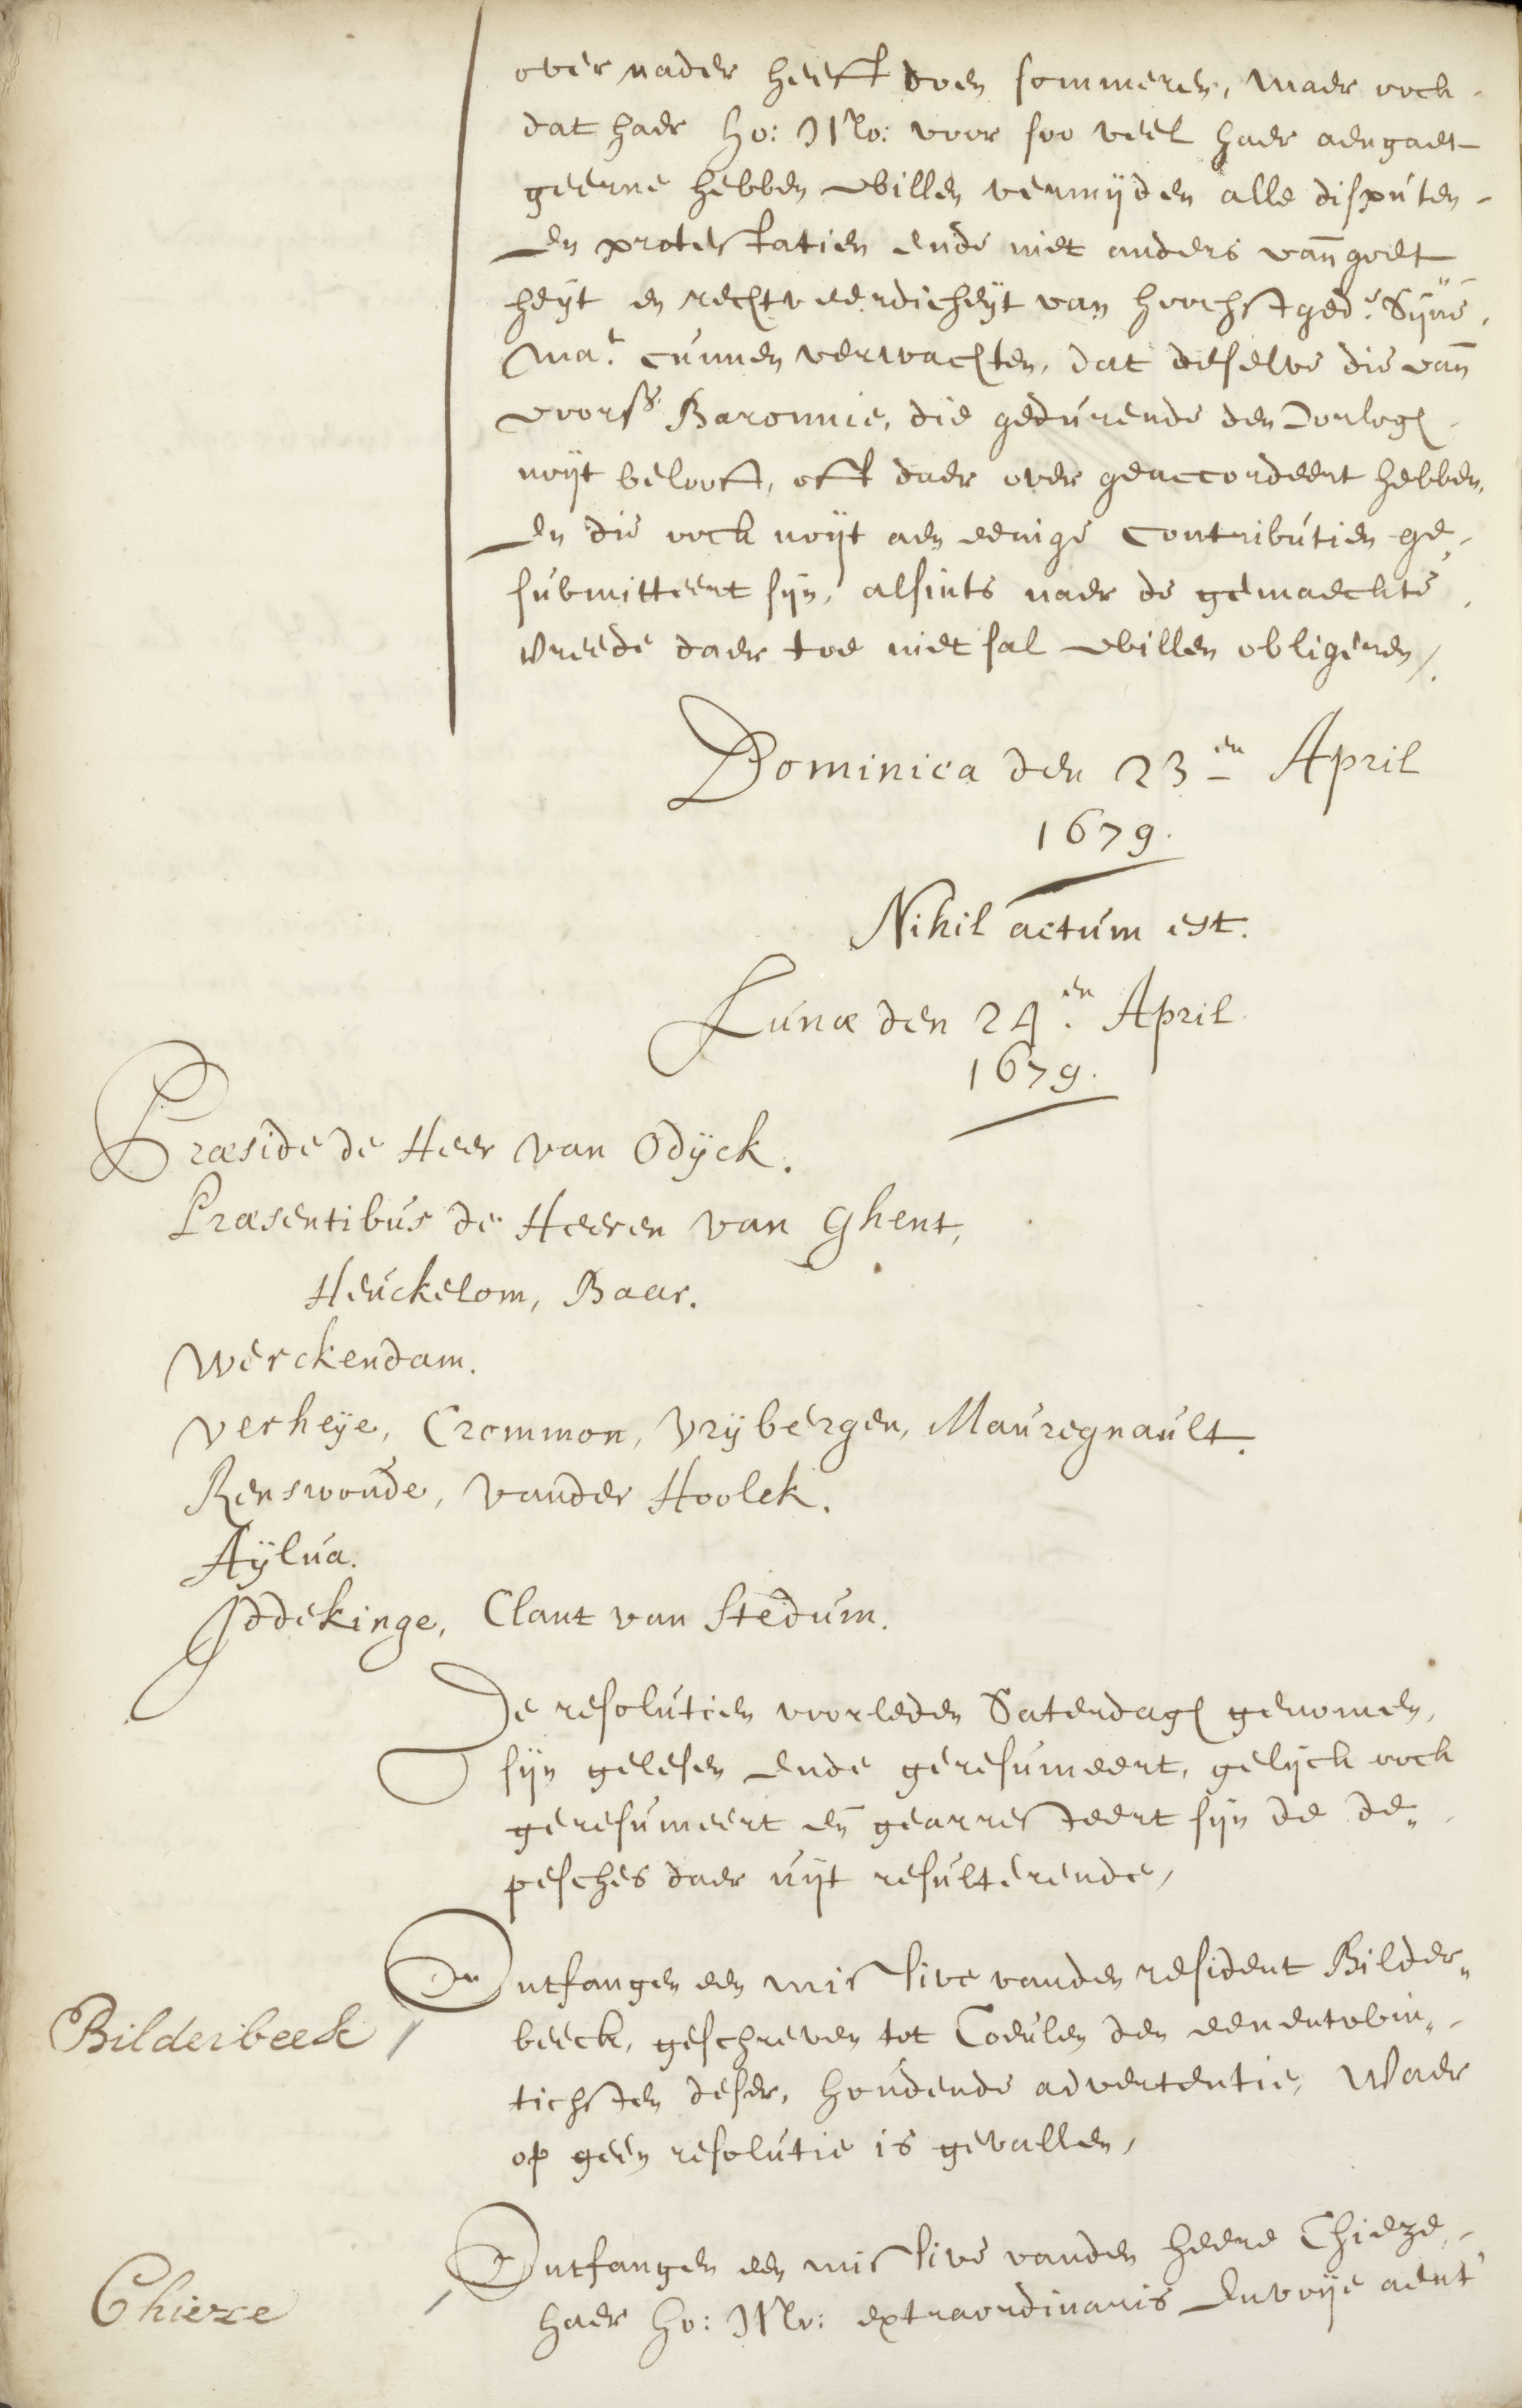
over nader heeft doen sommeren, maer oock
dat haer ho:Mo: voor soo veel haer aengaet
geerne hebben willen vermijden alle disputen
en protestatien ende niet anders van goet„
heijt en rechtveerdicheijt van hoochstgede. Sijne
mat. cunnen verwachten, dat deselve die van
voors. Baronnie, die gedurende den Oorlogh
noijt belooft, off daer over geaccordeert hebben,
en die oock noijt aen eenige contributien ge„
submitteert sijn, alsints naer de gemaeckte
Vreede daer toe niet sal willen obligeren.
Dominica den 23en. April
1679.
Nihil actum est.
Lunæ den 24en. April.
1679.
Præside de Heer van Odijck.
Præsentibus de Heeren van Ghent,
Heuckelom, Baer.
Werckendam.
Verheije, Crommon, Vrijbergen, Mauregnault.
Renswoude, vander Hoolck.
Aijlua.
Iddekinge, Clant van Stedum.
De resolutien voorleden Saterdagh genomen,
sijn gelesen ende geresumeert, gelijck oock
geresumeert en gearresteert sijn de de„
pesches daer uijt resulterende.
Bilderbeek
Ontfangen een missive vanden resident Bilder„
beeck, geschreven tot Coeulen den eenentwin„
tichsten deser, houdende advertentie. Waer
op geen resolutie is gevallen.
Chieze
Ontfangen een missive vanden heere Chieze
haer ho:Mo: extraordinaris Envoijé aent‛
